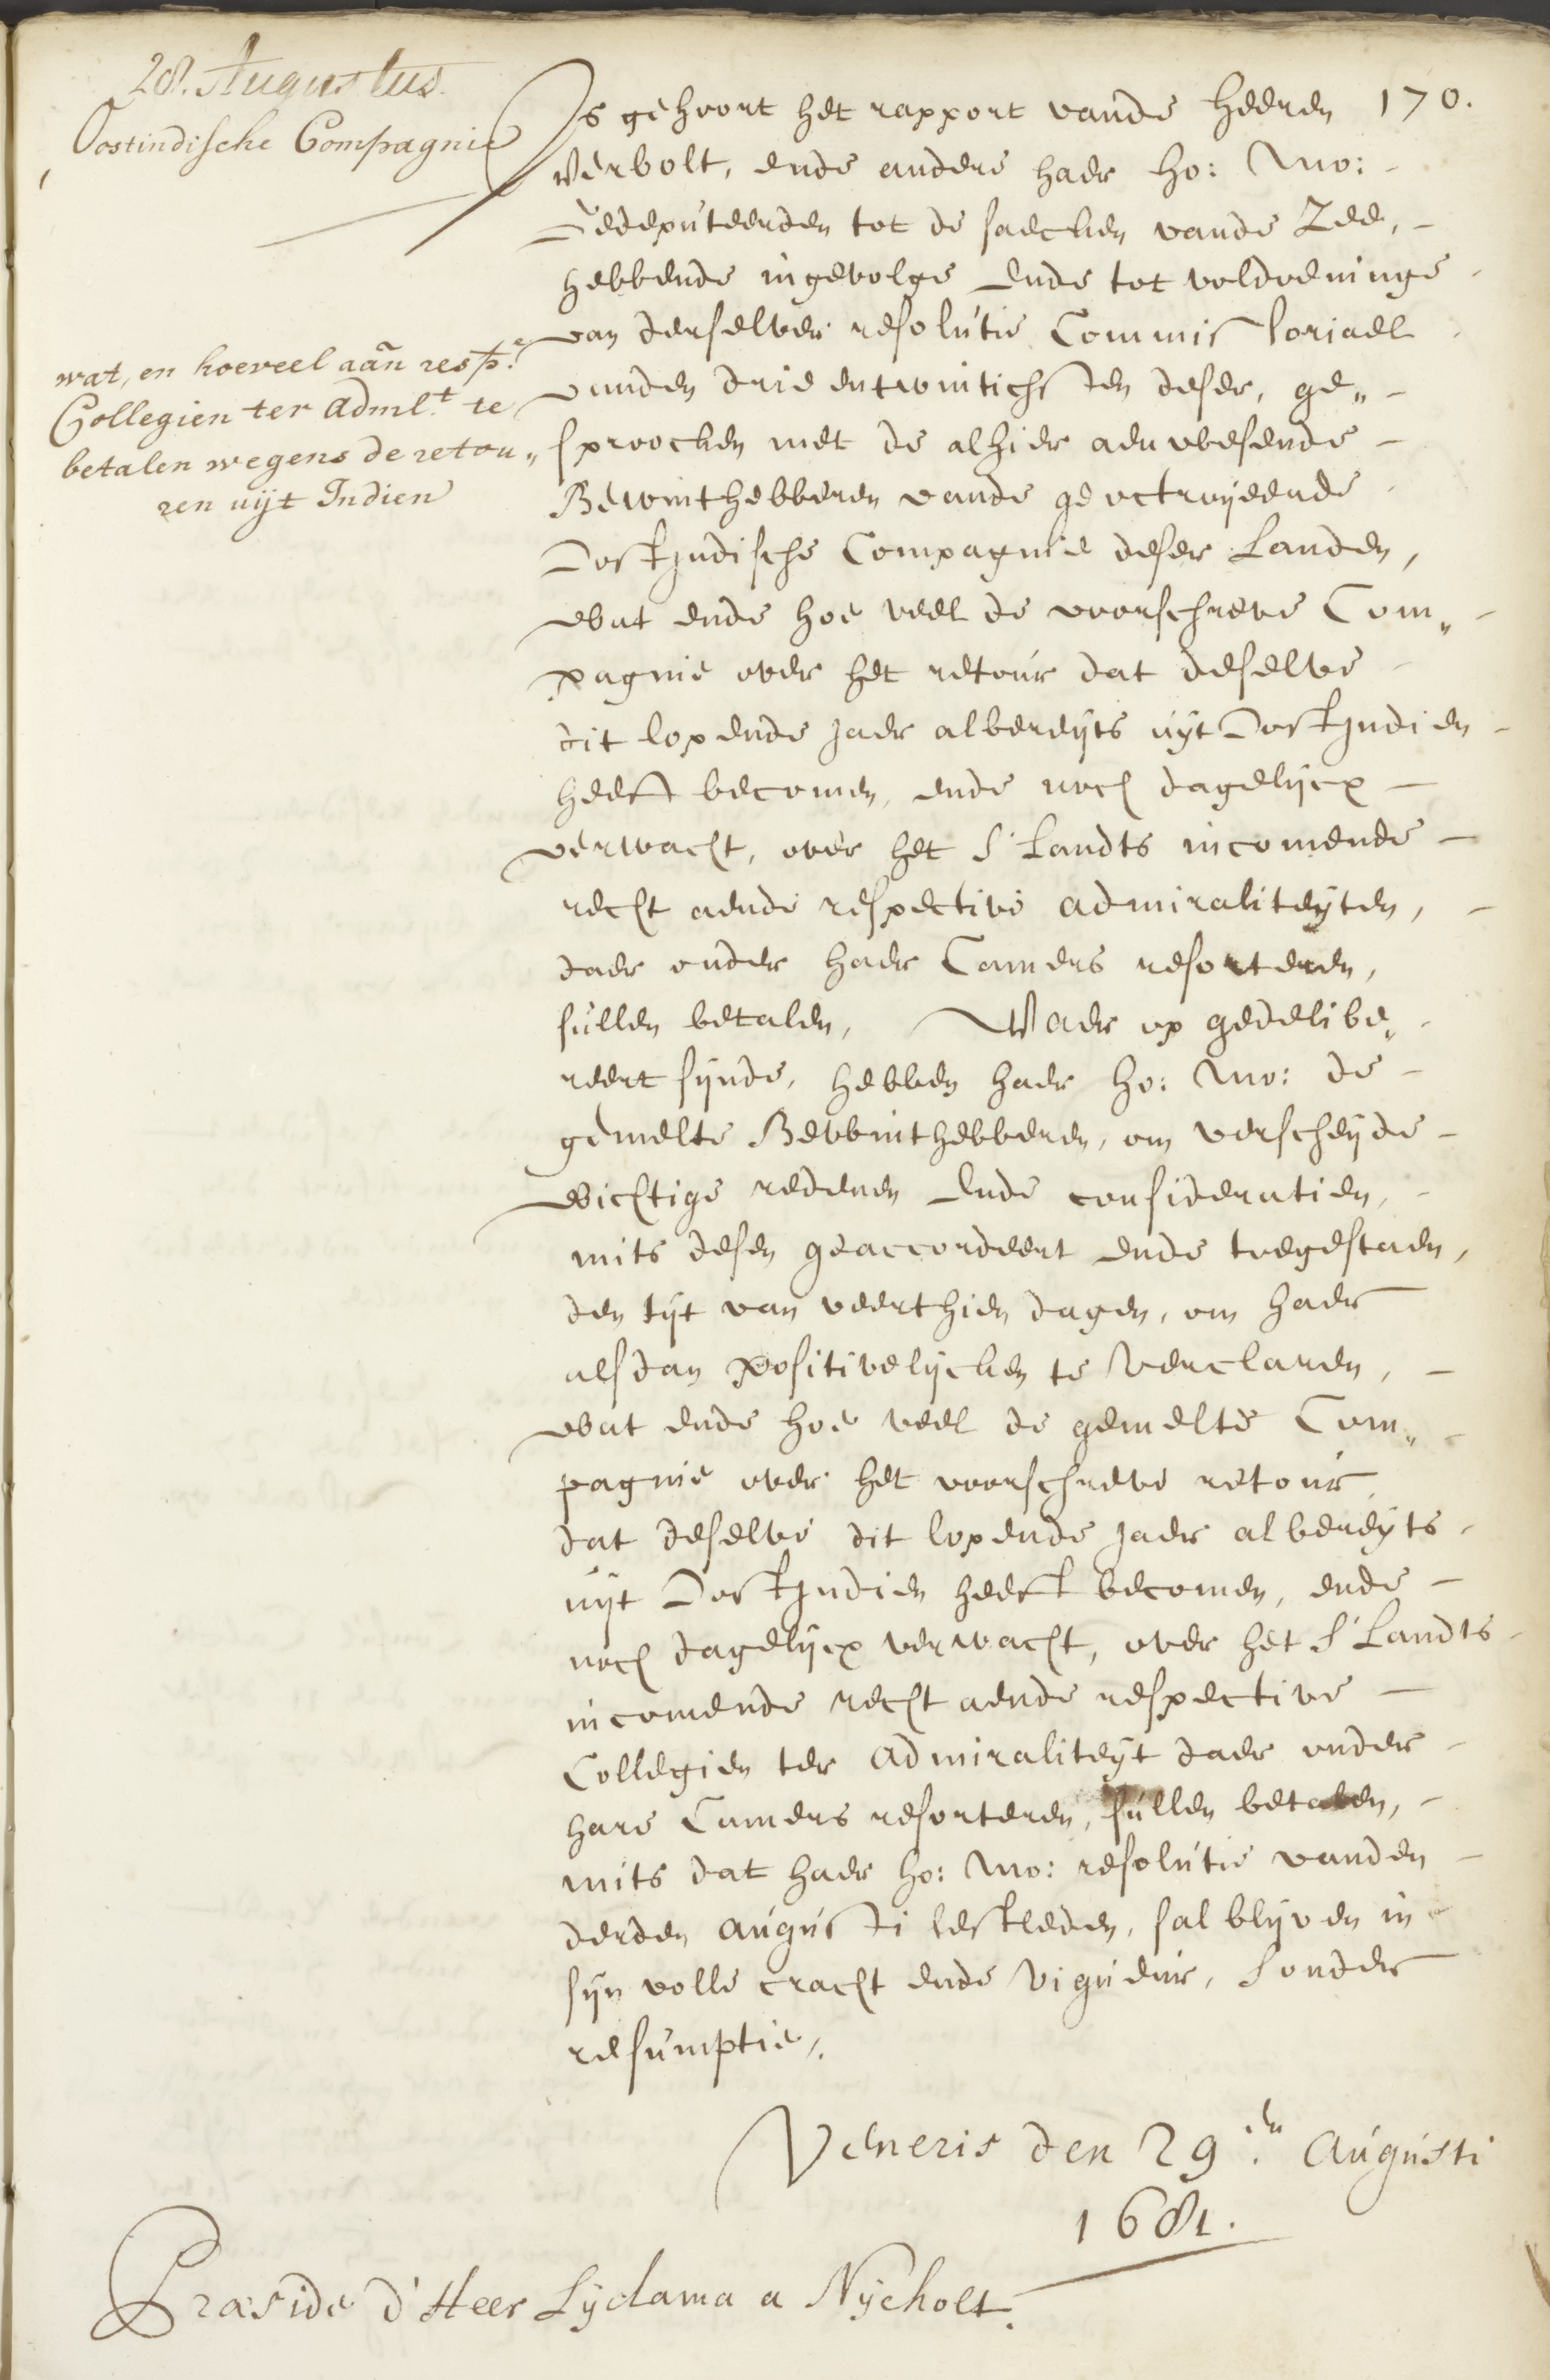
170.
28. Augustus.
Oostindische Compagnie
wat, en hoeveel aan respe.
Collegien ter admlt te
betalen wegens de retou„
ren uyt Indien
Is gehoort het rapport vande heeren
Verbolt, ende andere haer ho:Mo:
Gedeputeerden tot de saecken vande Zee,
hebbende ingevolge ende tot voldoeninge
van derselver resolutie Commissoriael
vanden drieentwintichsten deser, ge,,
sproocken met de alhier aenwesende -
Bewinthebberen vande geoctroijeerde
Oostindische Compagnie deser Landen
wat ende hoe veel de voorschreve Com„
pagnie over het retour dat deselve
dit lopende jaer albereijts uijt Oostindien
heeft becomen, ende noch dagelijcx
verwacht, over het s'Landts incomende
recht aende respective admiraliteijten,
daer onder haer Camers resorteren,
sullen betalen. Waer op gedelibe„
reert sijnde, hebben haer ho:mo: de
gemelte Bewinthebberen, om verscheijde
wichtige redenen ende consideratien,
mits desen geaccordeert ende toegestaen,
den tijt van veerthien dagen, om haer
alsdan positivelijcken te verclaren
wat ende hoe veel de gemelte Com„
pagnie over het voorschreve retour
dat deselve dit lopende jaer albereijts
uijt Oostindien heeft becomen, ende
noch dagelijcx verwacht, over het s'Landts
in comende recht aende respective
Collegien ter Admiraliteijt daer onder
hare Camers resorteren, sullen betalen,
mits dat haer ho:mo: resolutie vanden
derden augusti lestleden, sal blijven in
sijn volle cracht ende vigueur, sonder
resumptie.
Veneris den 29en. augusti
1681.
Præside d'Heer Lijclama a Nijeholt.
